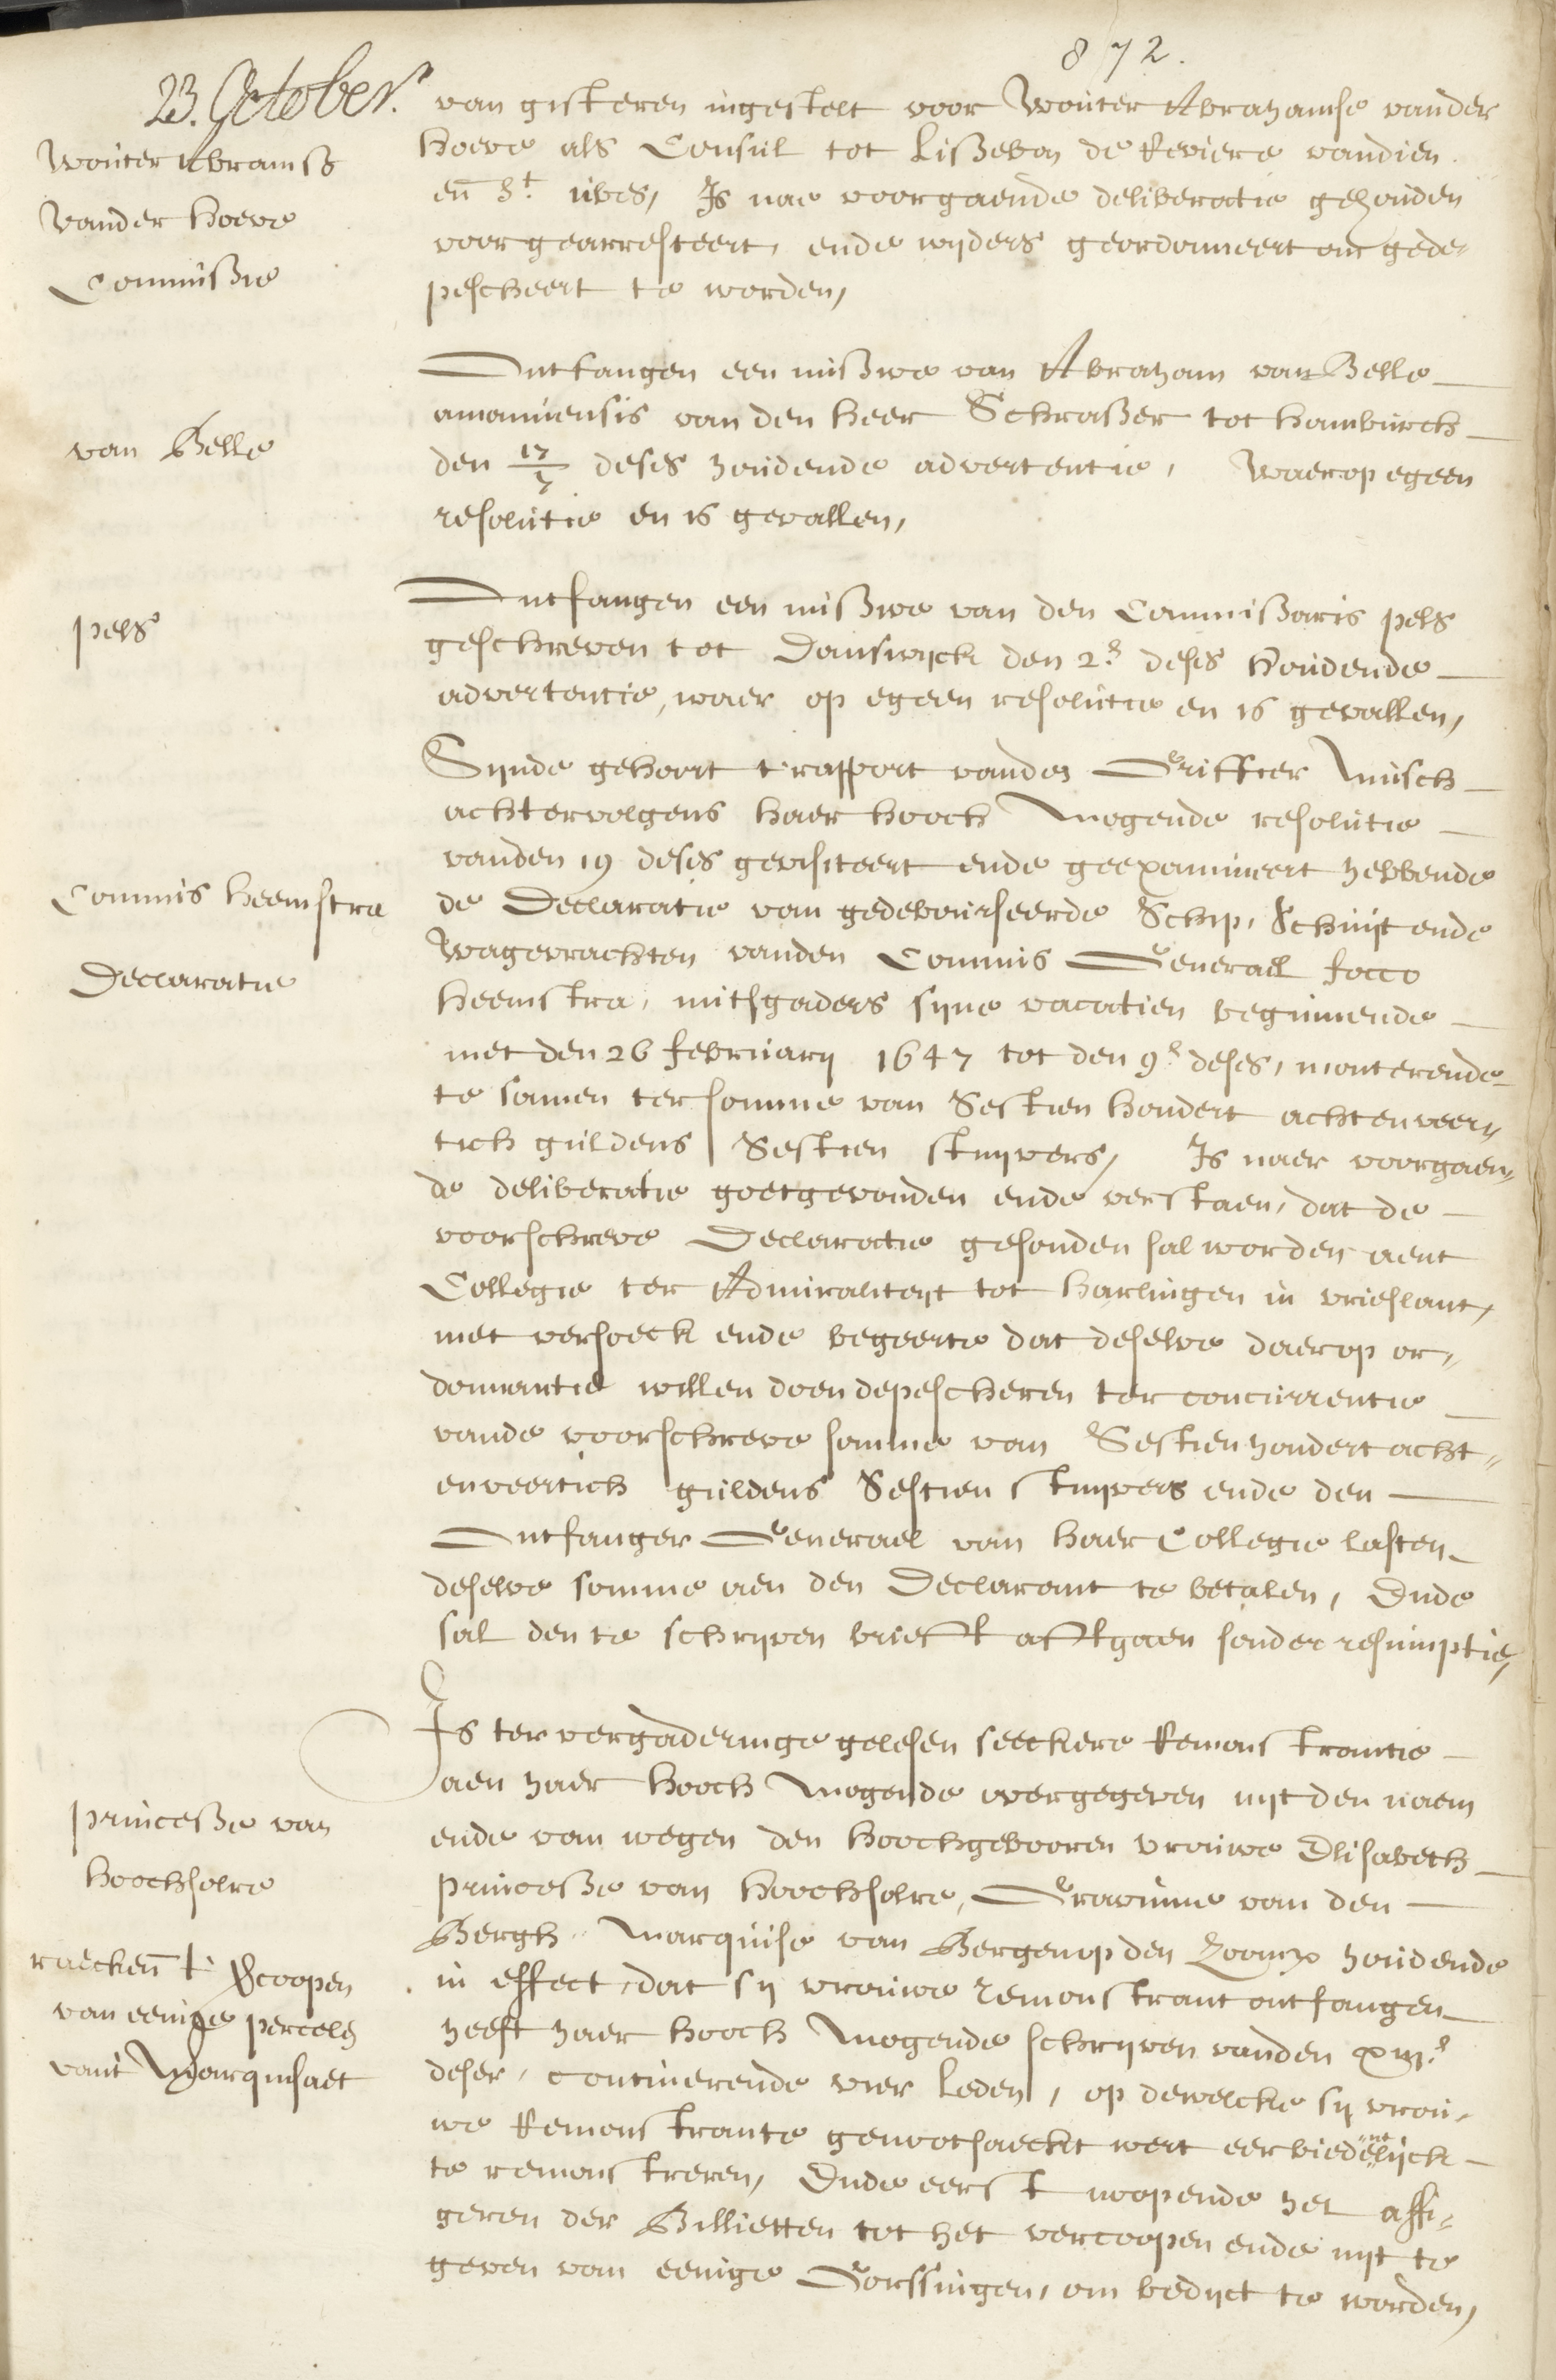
872.
23. October.
Wouter abrams
vander Hoeve
Commissie
van gisteren ingestelt voor Wouter Abrahamse vander
Hoeve als Consul tot Lissebon de Reviere vandien
en st. ubes. Is nae voorgaende deliberatie gehouden
voor gearresteert, ende wyders geordonneert om gede„
pescheert te worden.
van Belle
Ontfangen een missive van Abraham van Belle
amanuensis van den Heer Schrasser tot Hamburch
den 17/7. deses houdende advertentie. Waerop egeen
resolutie en is gevallen.
Pels
Ontfangen een missive van den Commissaris pels
geschreven tot Danswyck den 2en. deses houdende
advertentie, waer op egeen resolutie en is gevallen.
Commis heemstra
Declaratie
Synde gehoort t' rapport vanden Griffier Musch
achtervolgens Haer Hooch Mogende resolutie
vanden 19 deses gevisiteert ende geexamineert hebbende
de Declaratie van gedebourseerde Schip, Schuijt ende
wagevrachten vanden Commis Generael focco
Heemstra, mitsgaders syne vacatien beginnende
met den 26 february 1647 tot den 9e. deses, monterende
te samen ter somme van Sestien hondert achtenveer„
tich guldens Sestien stuyvers. Is naer voorgaen„
de deliberatie goetgevonden ende verstaen, dat de
voorschreve Declaratie gesonden sal worden aent
Collegie ter Admiraliteyt tot Harlingen in vrieslant,
met versoeck ende begeerte dat deselve daerop or„
donnantie willen doen depescheren ter concurrentie
vande voorschreve somme van Sestien hondert acht„
enveertich guldens Sestien stuyvers ende den
Ontfanger Generael van Haer Collegie lasten
deselve somme aen den Declarant te betalen. Ende
sal den te schryven brieff affgaen sonder resumptie.
Princesse van
Hoochsolre
raecken t' vcoopen
van eenige percelen
vant' Marquisaet
Is ter vergaderinge gelesen seeckere Remonstrantie
aen haer Hooch Mogende overgegeven uyt den naem
ende van wegen den Hoochgebooren vrouwe Elisabeth
princesse van Hoochsolre, Gravinne van den
Bergh, Marquise van Bergen op den Zoom @ houdende
in effect, dat sy vrouwe remonstrant ontfangen
heeft haer Hooch Mogende schryven vanden xiije.
deser, continerende vier leden, op dewelcke sy vrou„
,,nt
we Remonstrante genootsaeckt wert eerbiede,,lijck
te remonstreren. Ende eerst noopende het affi„
geren der Billietten tot het vercoopen ende uyt te
geven van eenige Gorssingen, om bedyct te worden,
